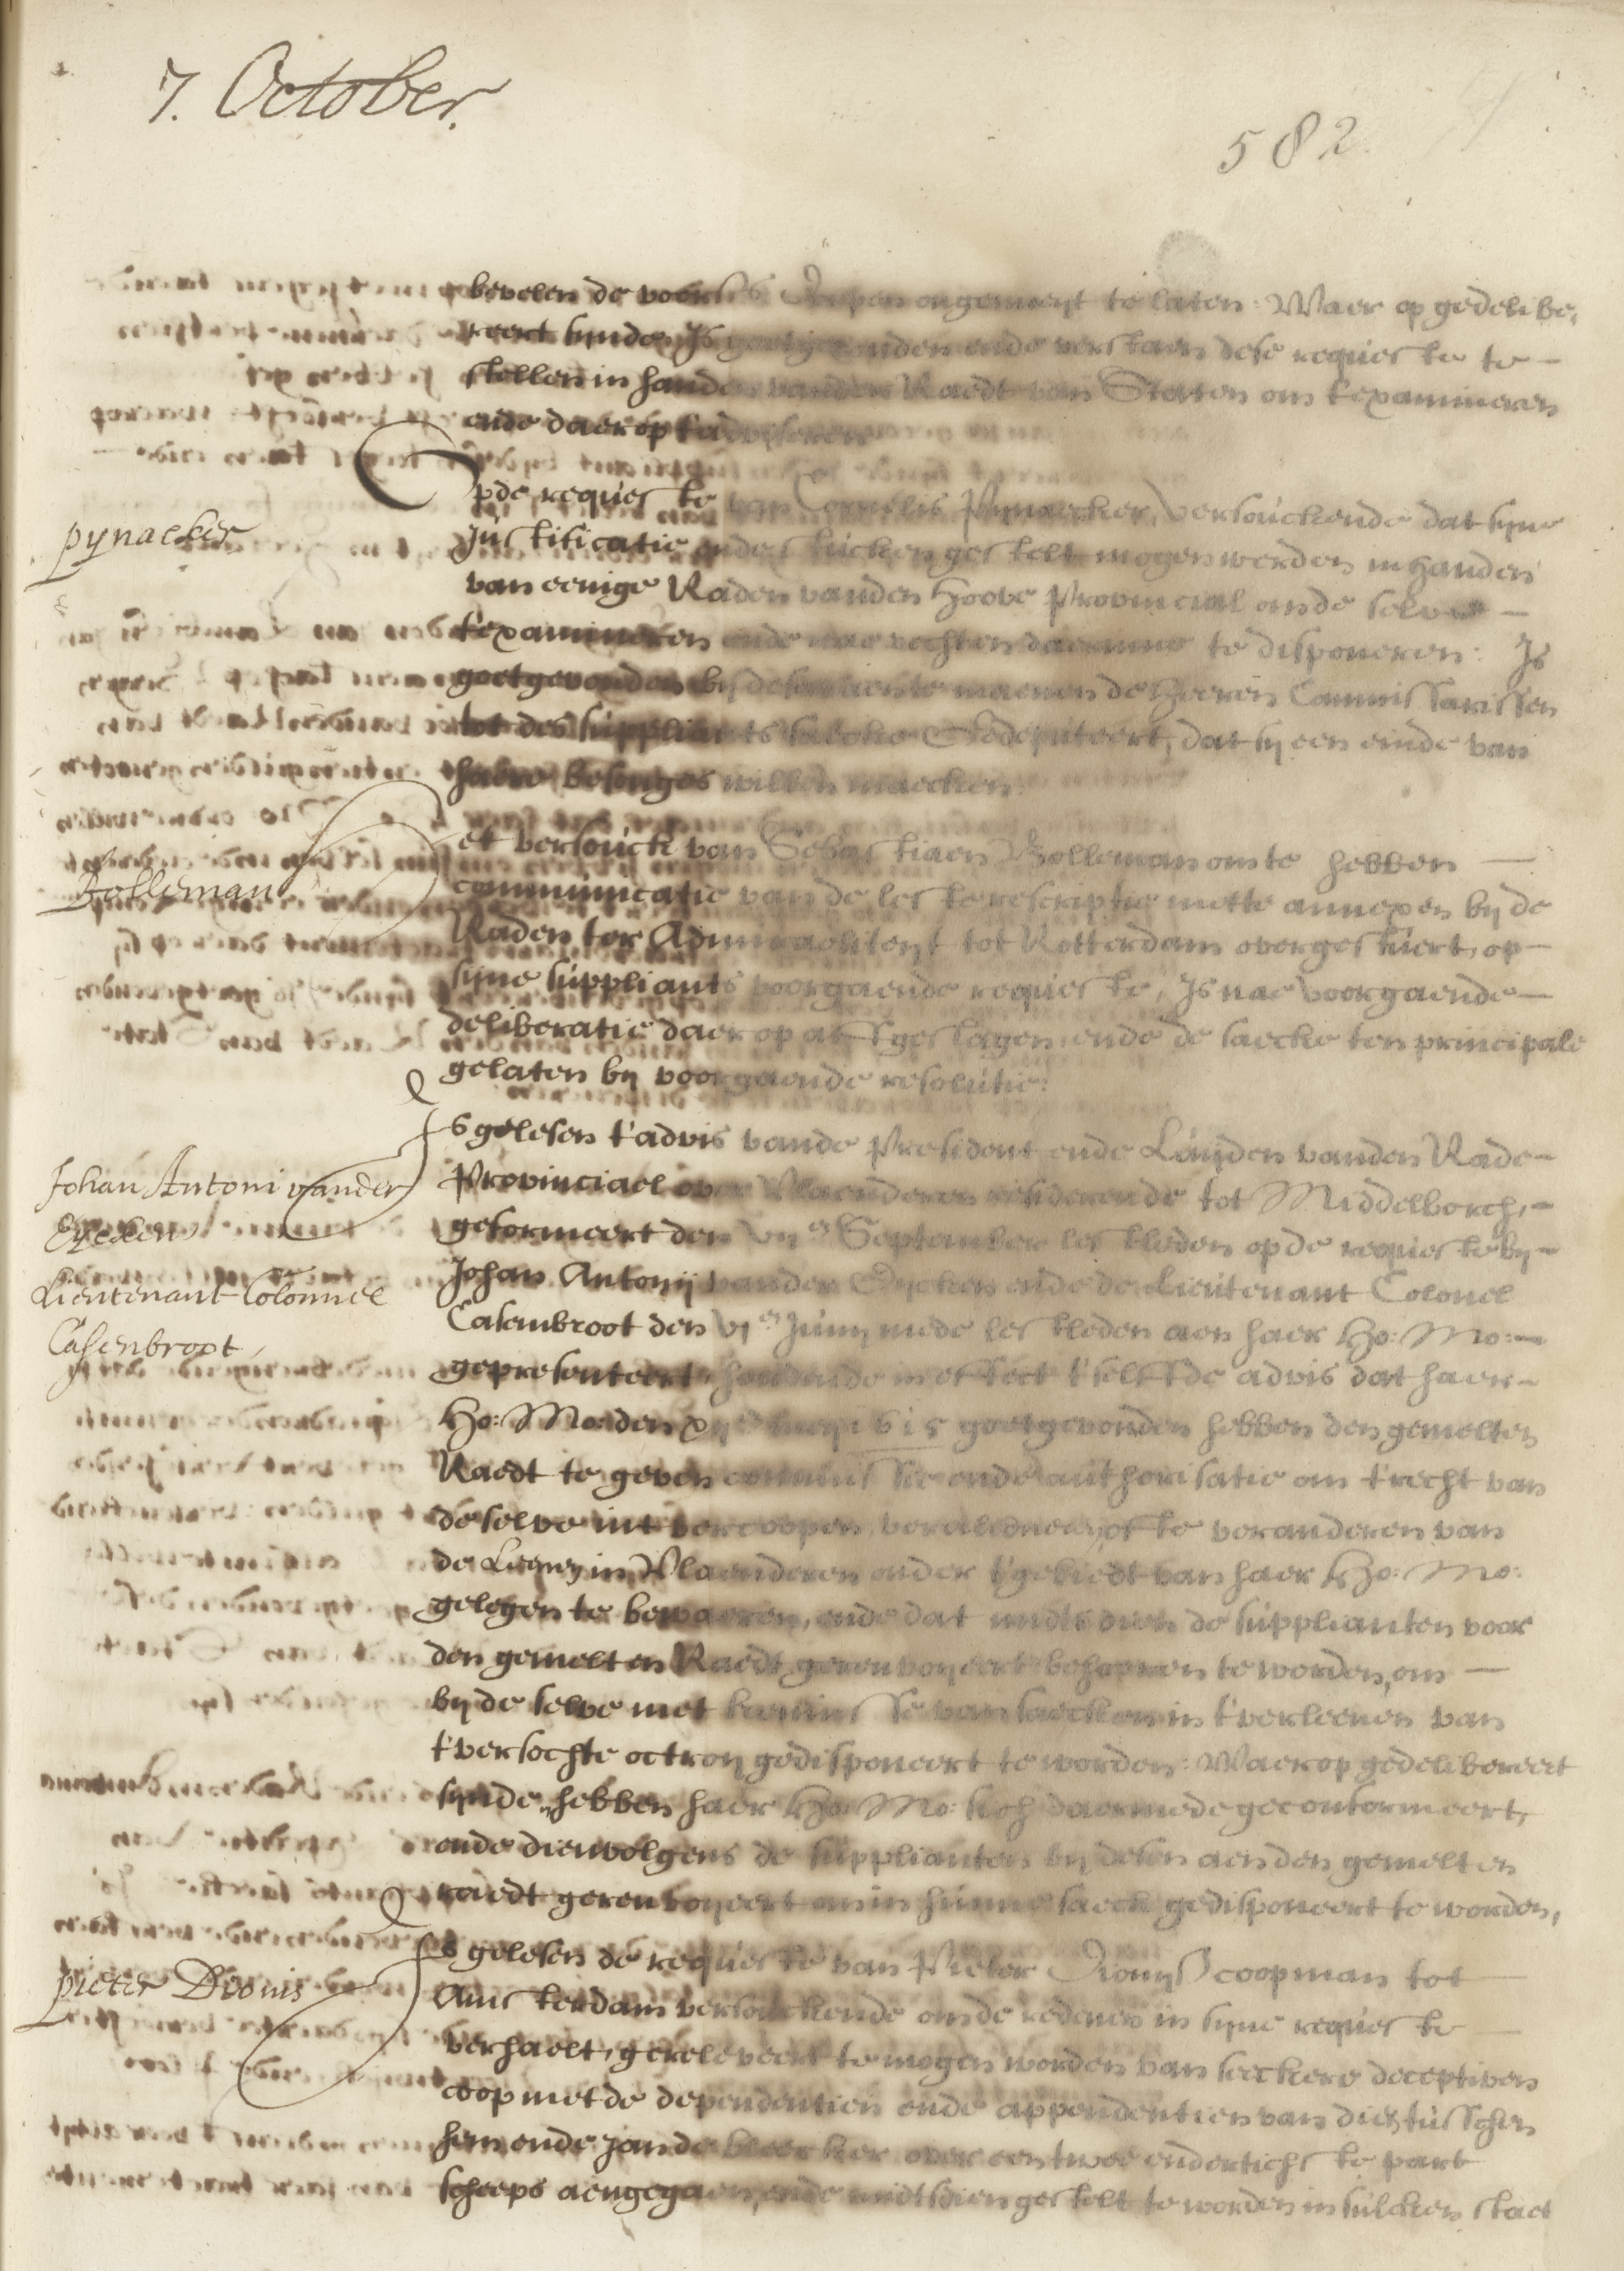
582.
7. October.
bevelen de voors dorpen ongemoeyt te laten. Waer op gedelibe„
reert synde is goetgevonden ende verstaen dese requeste te
stellen in handen van den Raedt van Staten om t‛examineren
ende daerop te adviseren
pynacker
Op de requeste van Cornelis Pynaecker versouckende dat syne
justificatie ende stucken gestelt mogen werden in handen
van eenige Raden vanden Hoove Provinciael om de selve -
t'examineren ende nae rechten daerinne te disponeren: Is
goetgevonden by de selue te maenen de heeren Commissarissen
tot des suppliants saecke Gedeputeert, dat sy een einde van
haere besonges willen maecken
Bolleman
Het versouck van Sebastiaen Bolleman om te hebben -
communicatie van de leste rescriptie mette annexen by de
Raden ter Admiraliteyt tot Rotterdam overgestuert, op
sijne suppliants voorgaende requeste. Is na voorgaende
deliberatie daer op affgeslagen, ende de saecke ten principale
gelaten by voorgaende resolutie.
Johan Antoni vander
Eycken,
Lieutenant Colonnel
Casenbroot.
Is gelesen t'advis vande President ende Luijden vanden Rade-
Provinciael over Vlaenderen residerende tot Middelborch, -
geformeert den vijen September lestleden opde requeste by-
Johan Antonij van der Eycken ende de lieutenant Colonel
Casembroot den vjen Juny mede lestleden aen haer Ho:Mo:-
gepresenteert, houdende in effect t'selffde advis dat haer-
Ho:Mo: den xijen mey 1615 goetgevonden hebben den gemelten
Raedt te geven commissie ende authorisatie om t'recht van
de selve int vercoopen, verleenen, ofte veranderen van
de Leenen in Vlaenderen onder t'gebiet van haer Ho:Mo:
gelegen te bewaeren, ende dat midtsdien de supplianten voor
den gemelten Raedt gerenvoyeert behooren te worden, om
by de selve met kennisse van saecken in t'verleenen van
t'versochte octroy gedisponeert te worden: Waerop gedelibereert
synde, hebben haer Ho:Mo: sich daermede geconformeert,
ende dienvolgens de supplianten by desen aen den gemelten
raedt gerenvoyeert om in hunne saeck gedisponeert te worden.
pieter Dionis
Is gelesen de requeste van Pieter Dionys coopman tot
Amsterdam versouckende om de redenen in syne requeste
verhaelt, gereleveert te mogen worden van seeckere deceptiven
coop met de dependentien ende appendentien van dien tusschen
hem ende Jan de bleecker over een tweeendertichste part
scheeps aengegaen, ende midtsdien gestelt te worden in sulcken staet
